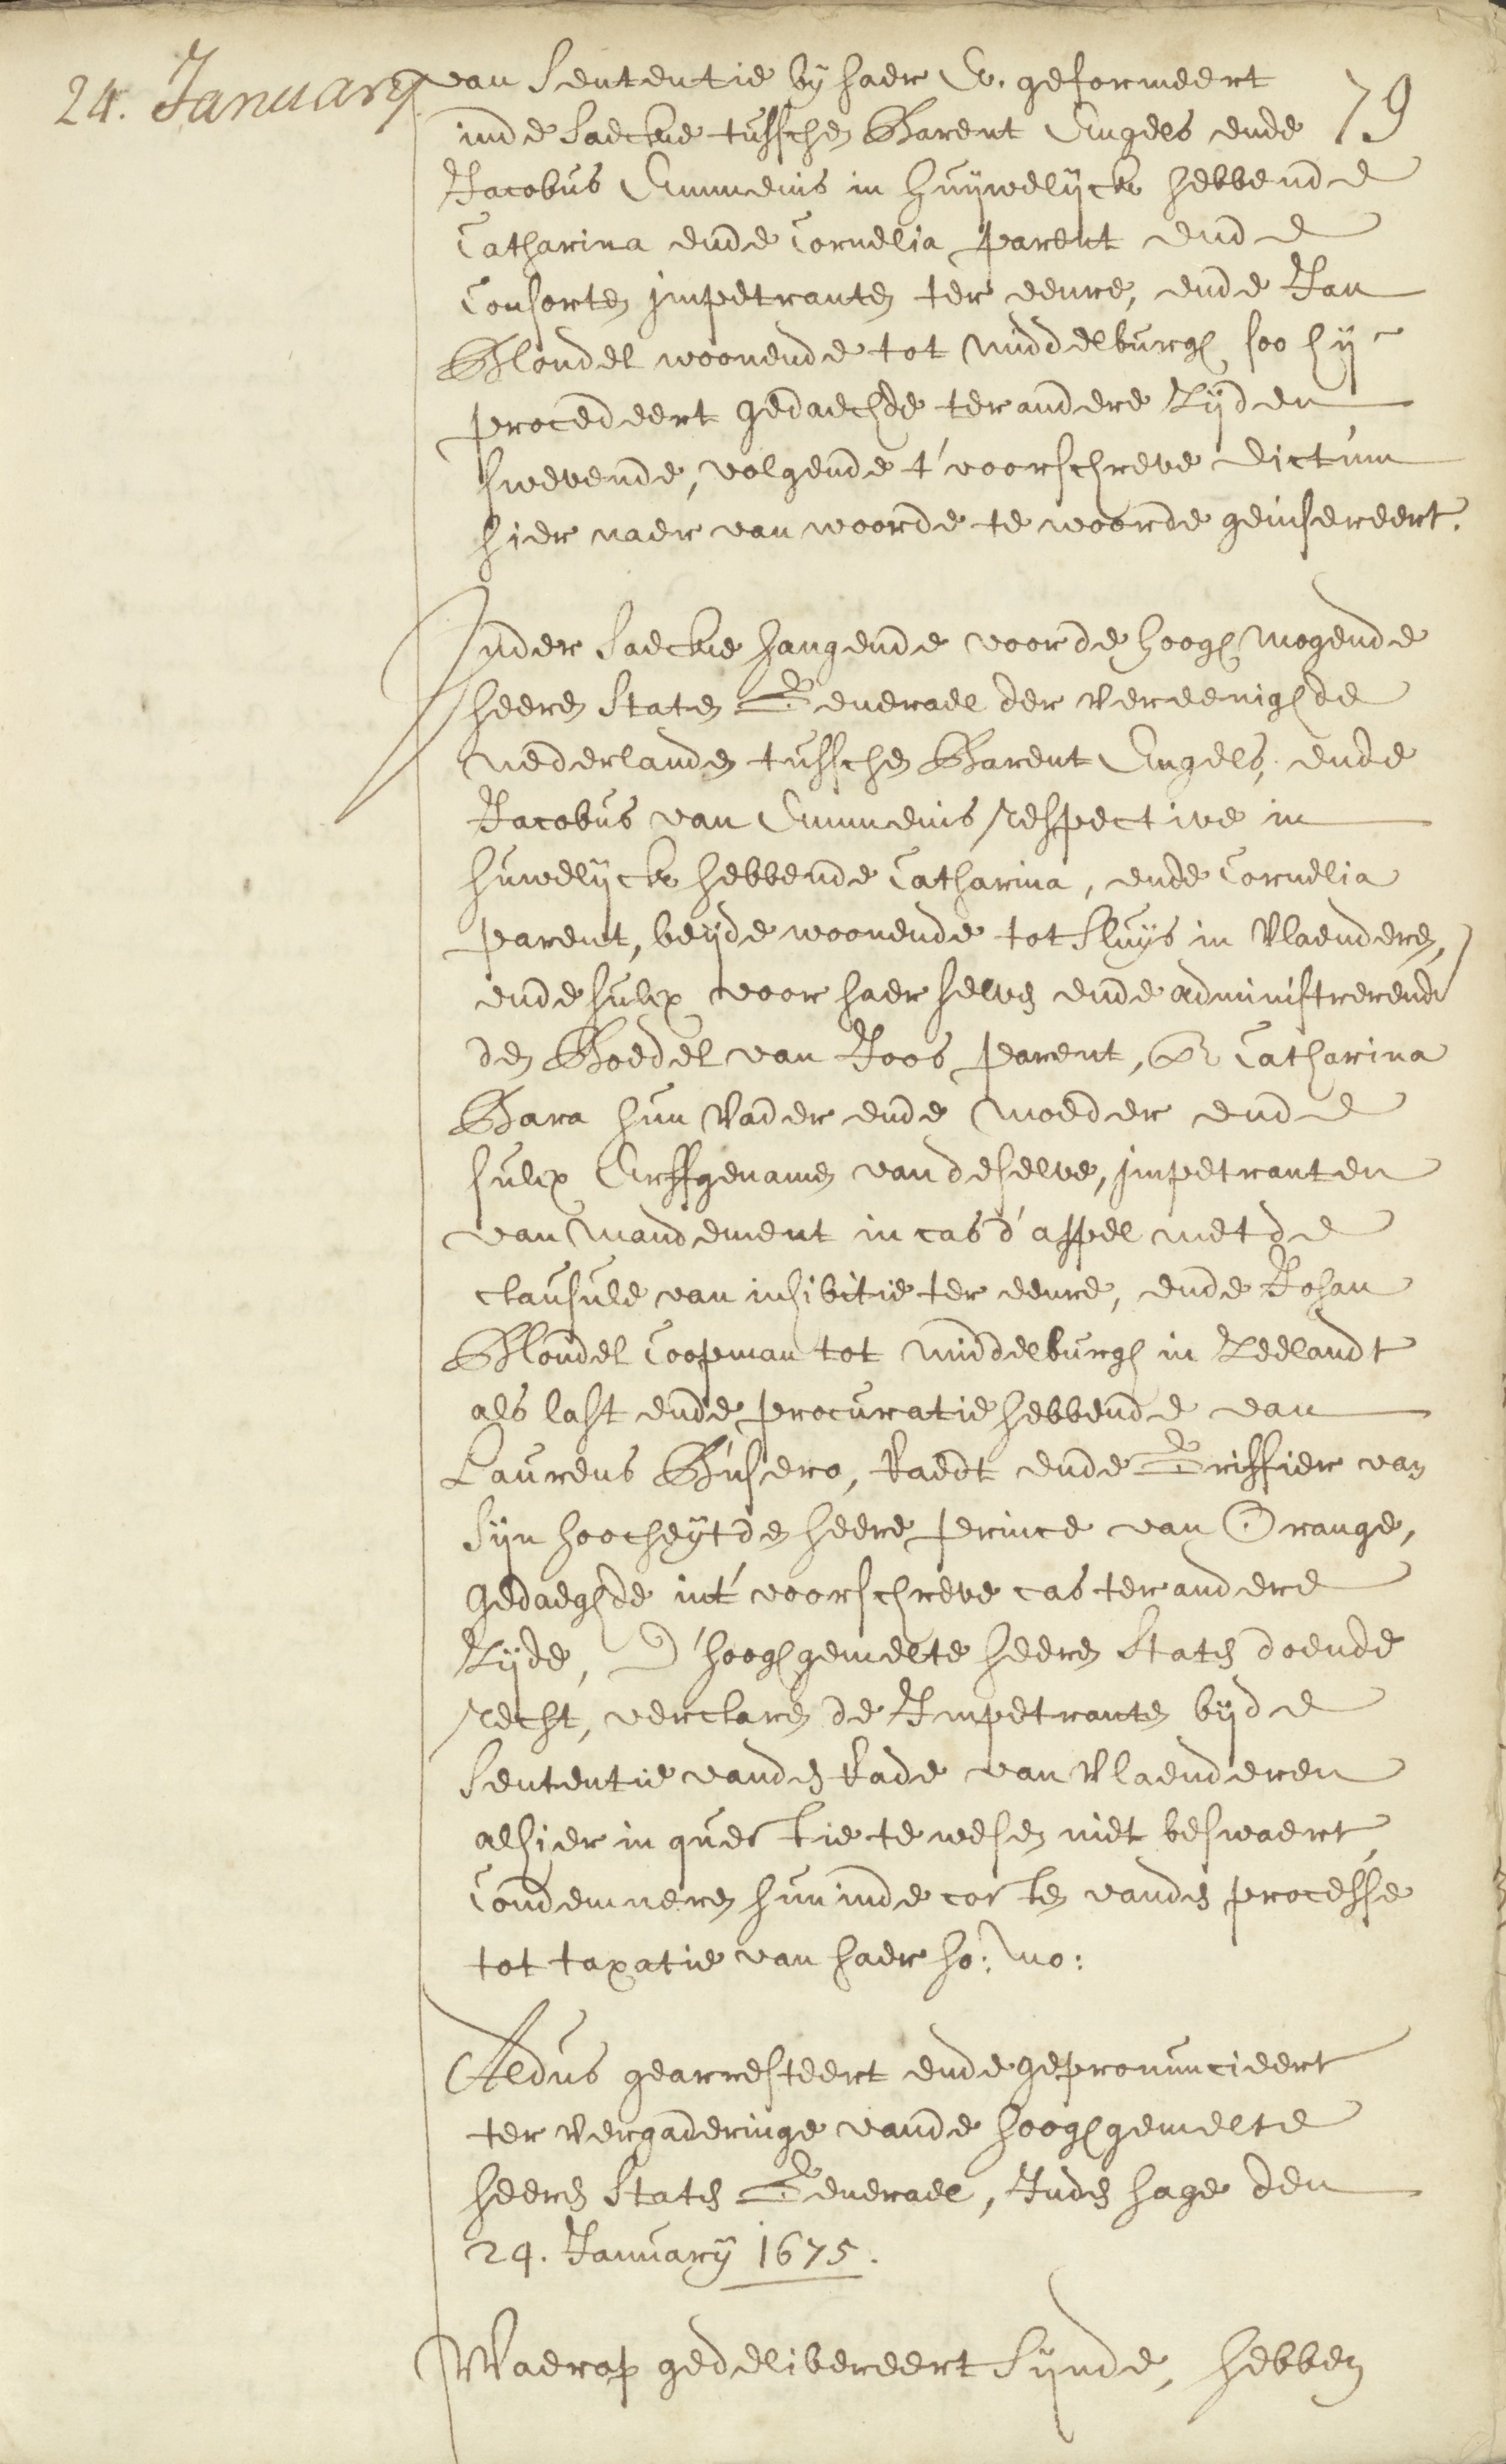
79
24. Januarij
van sententie bij haer E. geformeert
inde saecke tusschen Barent Engels ende
Jacobus Emmenis in huijwelijck hebbende
Catharina ende Cornelia Parent ende
consorten impetranten ter eenre ende Jan
Blondel woonende tot Middelburgh soo hij
procedeert gedaechde ter andere zijden
swevende, volgende t'voorschreve Dictum
hier naer van woorde te woorde geinsereert.
Inder saecke hangende voor de Hoogh mogende
heeren Staten Generael der Vereenighde
Nederlanden tusschen Barent Engels, ende
Jacobus van Emmenis respective in
huwelijck hebbende Catharina, ende Cornelia
Parent, beijde woonende tot sluijs in Vlaenderen,
ende sulcx voor haer selven ende administrerende
den Boedel van Joos Parent, & Catharina
Bara hun vader ende moeder ende
sulcx Erffgenamen van deselve, impetranten
van mandement incas d'appel met de
clausule van inhibitie ter eenre, ende Johan
Blondel coopman tot Middelburgh in Zeelandt
als last ende procuratie hebbende van
Laurens Busero, Raedt ende Griffier van
sijn hoocheijt de heere Prince van Orange,
gedaeghde int' voorschreve cas ter andere
zijde de D'hooghgemelte heeren staten doende
recht, verclaren de Impetranten bijde
sententie vanden Rade van Vlaenderen
alhier in questie te wesen niet beswaert,
condemneren hun inde costen vanden processe
tot taxatie van haer Ho:Mo:
Aldus gearresteert, ende gepronuncieert
ter vergaderinge vande hooghgemelte
heeren staten Generael, inden Hage den
29. Januarij 1675.
Waerop gedelibereert sijnde, hebben
